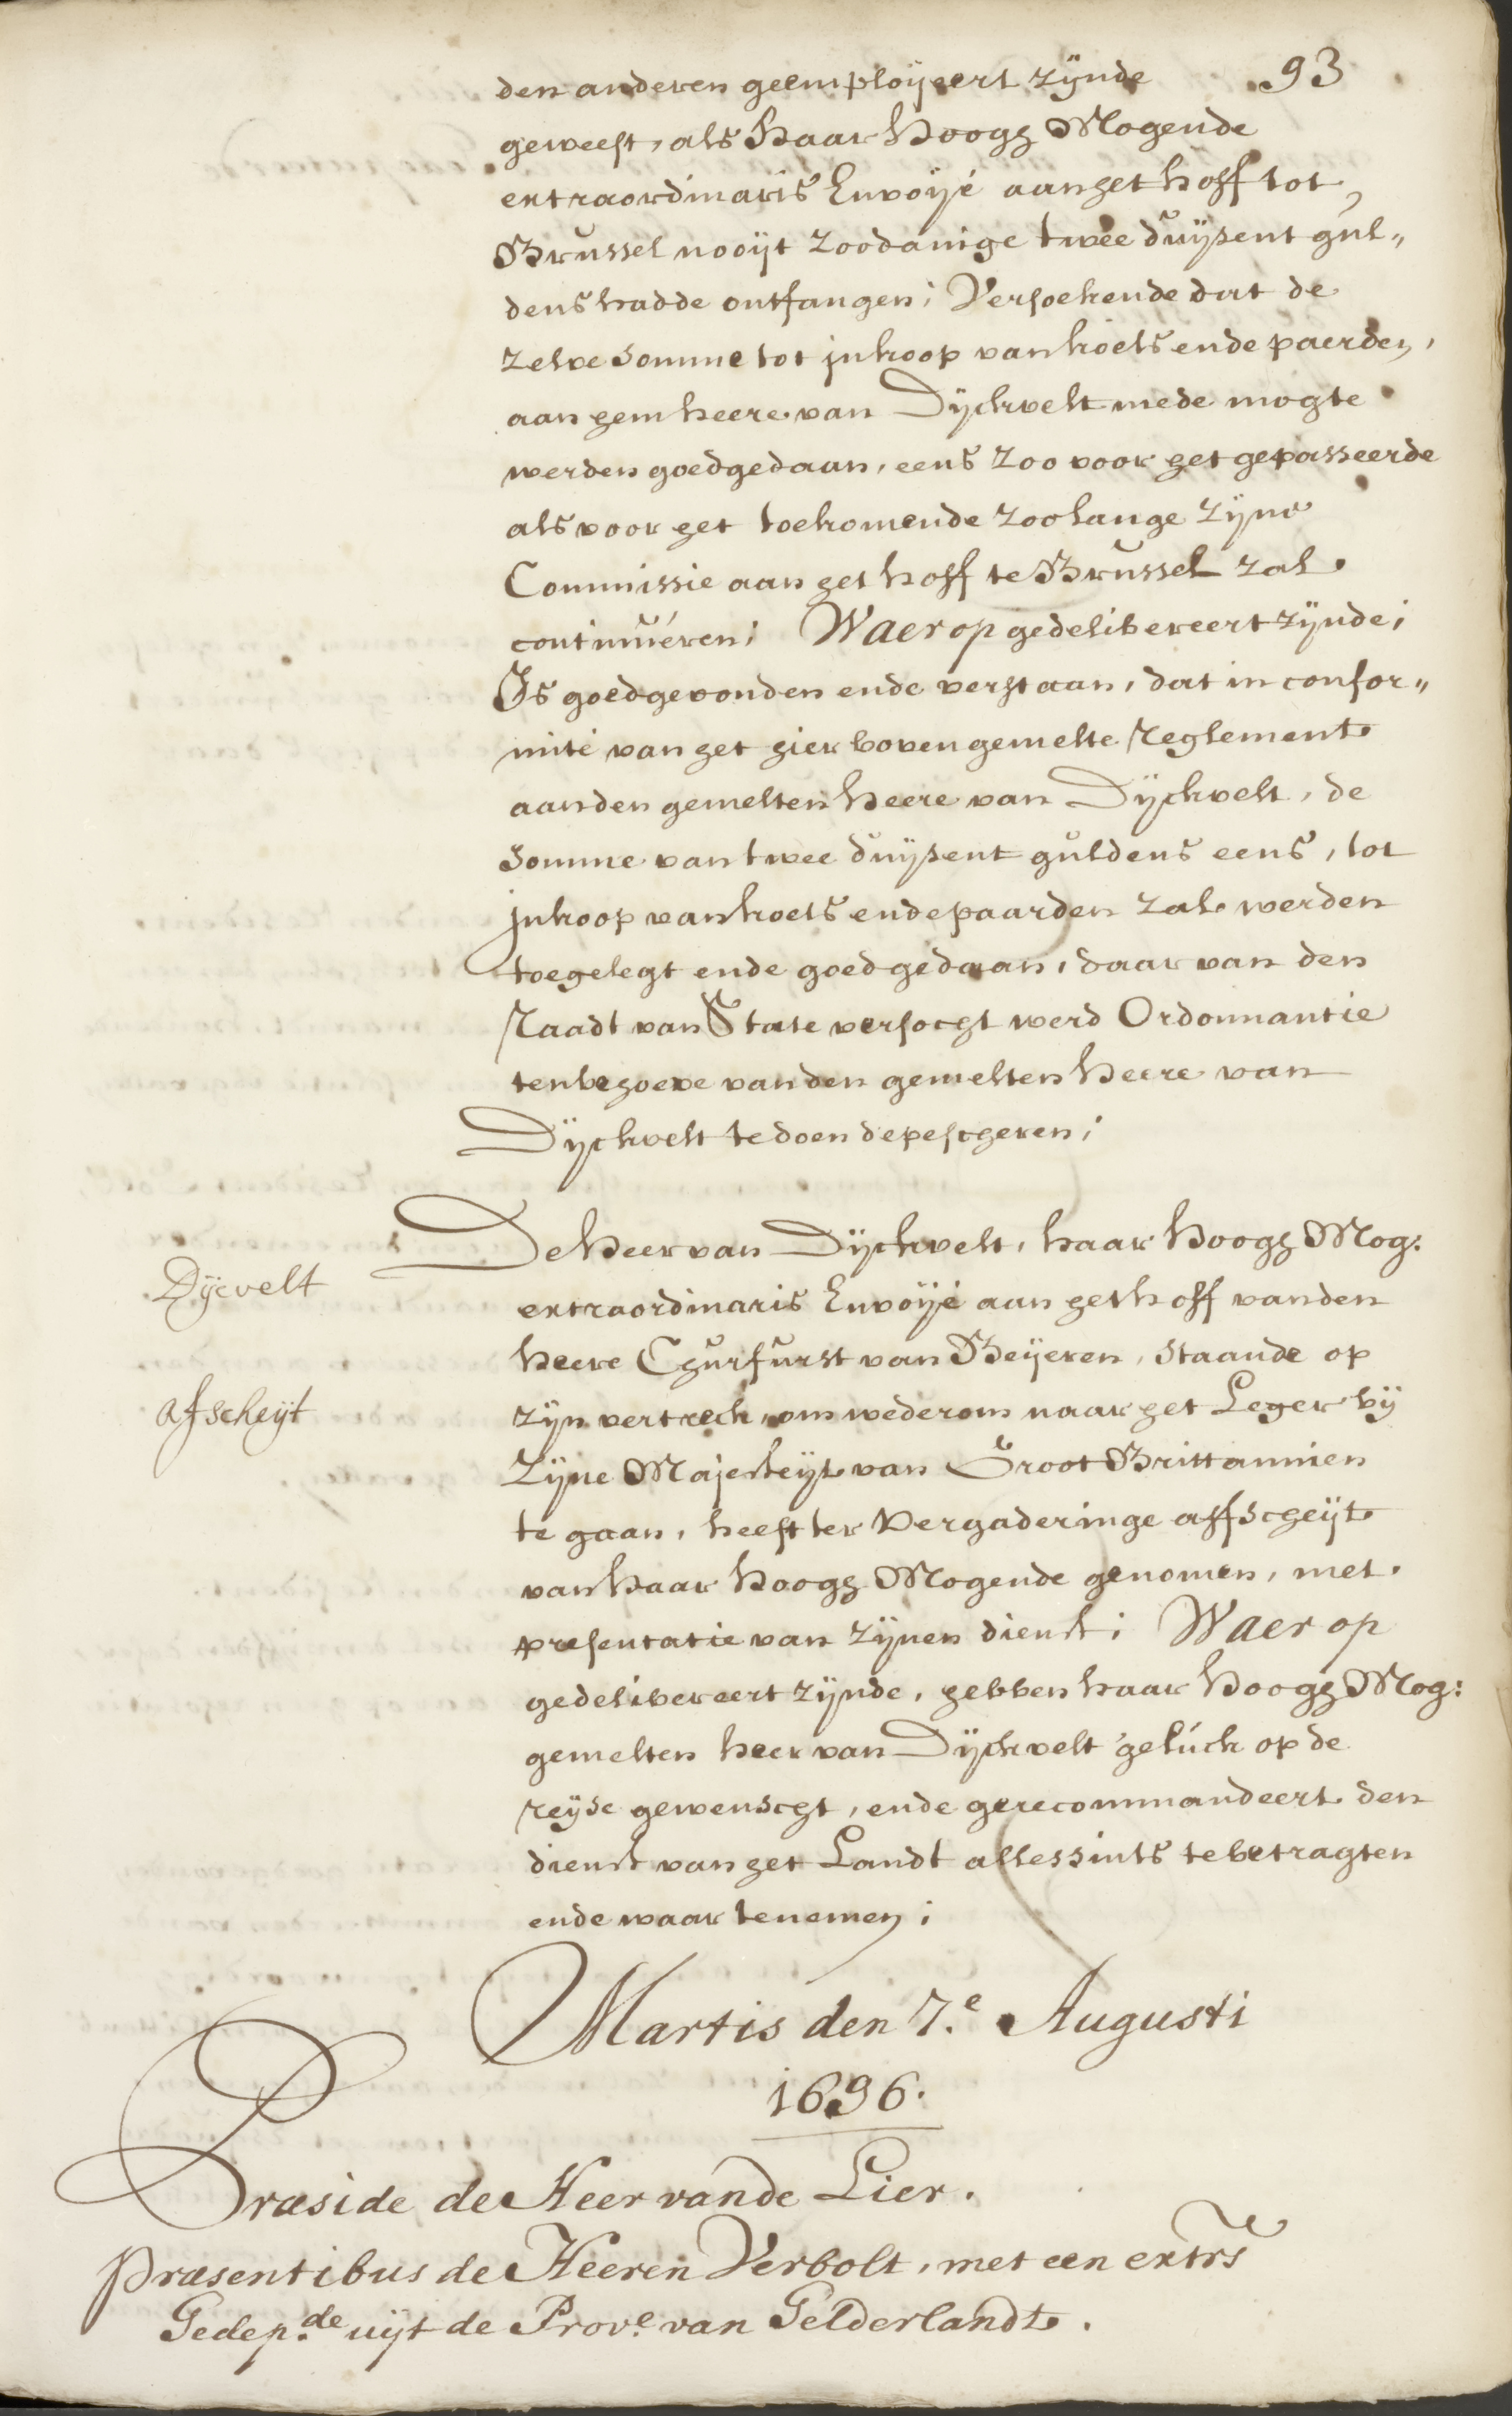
93
den anderen geemploijeert zijnde
geweest, als haar Hoogh Mogende
extraordinaris Envoijé aan het hoff tot
Brussel nooijt zoodanige twee duijsent gul„
dens hadde ontfangen; Versoekende dat de
zelve somme tot inkoop van koets ende paerden,
aan hem heere van Dijckvelt mede mogte
werden goedgedaan, eens zoo voor het gepasseerde
als voor het toekomende zoo lange zijne
Commissie aan het hoff te Brussel zal
continueren; Waerop gedelibereert zijnde,
Is goedgevonden ende verstaan, dat in confor„
mité van het hier bovengemelte reglement
aanden gemelten heere van Dijckvelt, de
somme van tweeduijsent guldens eens, tot
inkoop van koets ende paarden zal werden
toegelegt ende goedgedaan, daar van den
Raadt van State versocht werd Ordonnantie
ten behoeve vanden gemelten heere van
Dijckvelt te doen depescheren;
Dijcvelt
afscheijt
De heer van Dijckvelt, haar Hoogh Mog:
extraordinaris Envoijé aan het hoff vanden
heere Churfurst van Beijeren, staande op
zijn vertreck, om wederom naar het Leger bij
Zijne Majesteijt van Groot Brittanien
te gaan, heeft ter Vergaderinge affscheijt
van Haar Hoogh Mogende genomen, met
presentatie van zijnen dienst: Waer op
gedelibereert zijnde, hebben haar Hooge Mog:
gemelten heer van Dijckvelt geluck op de
reijse gewenscht, ende gerecommandeert den
dienst van het Landt allessints te betragten
ende waar te nemen:
Martis den 7e. Augusti
1696.
Præside de Heer vande Lier,
Præsentibus de Heeren Verbolt, met een extrs
Gedepde uijt de Prove. van Gelderlandt,
